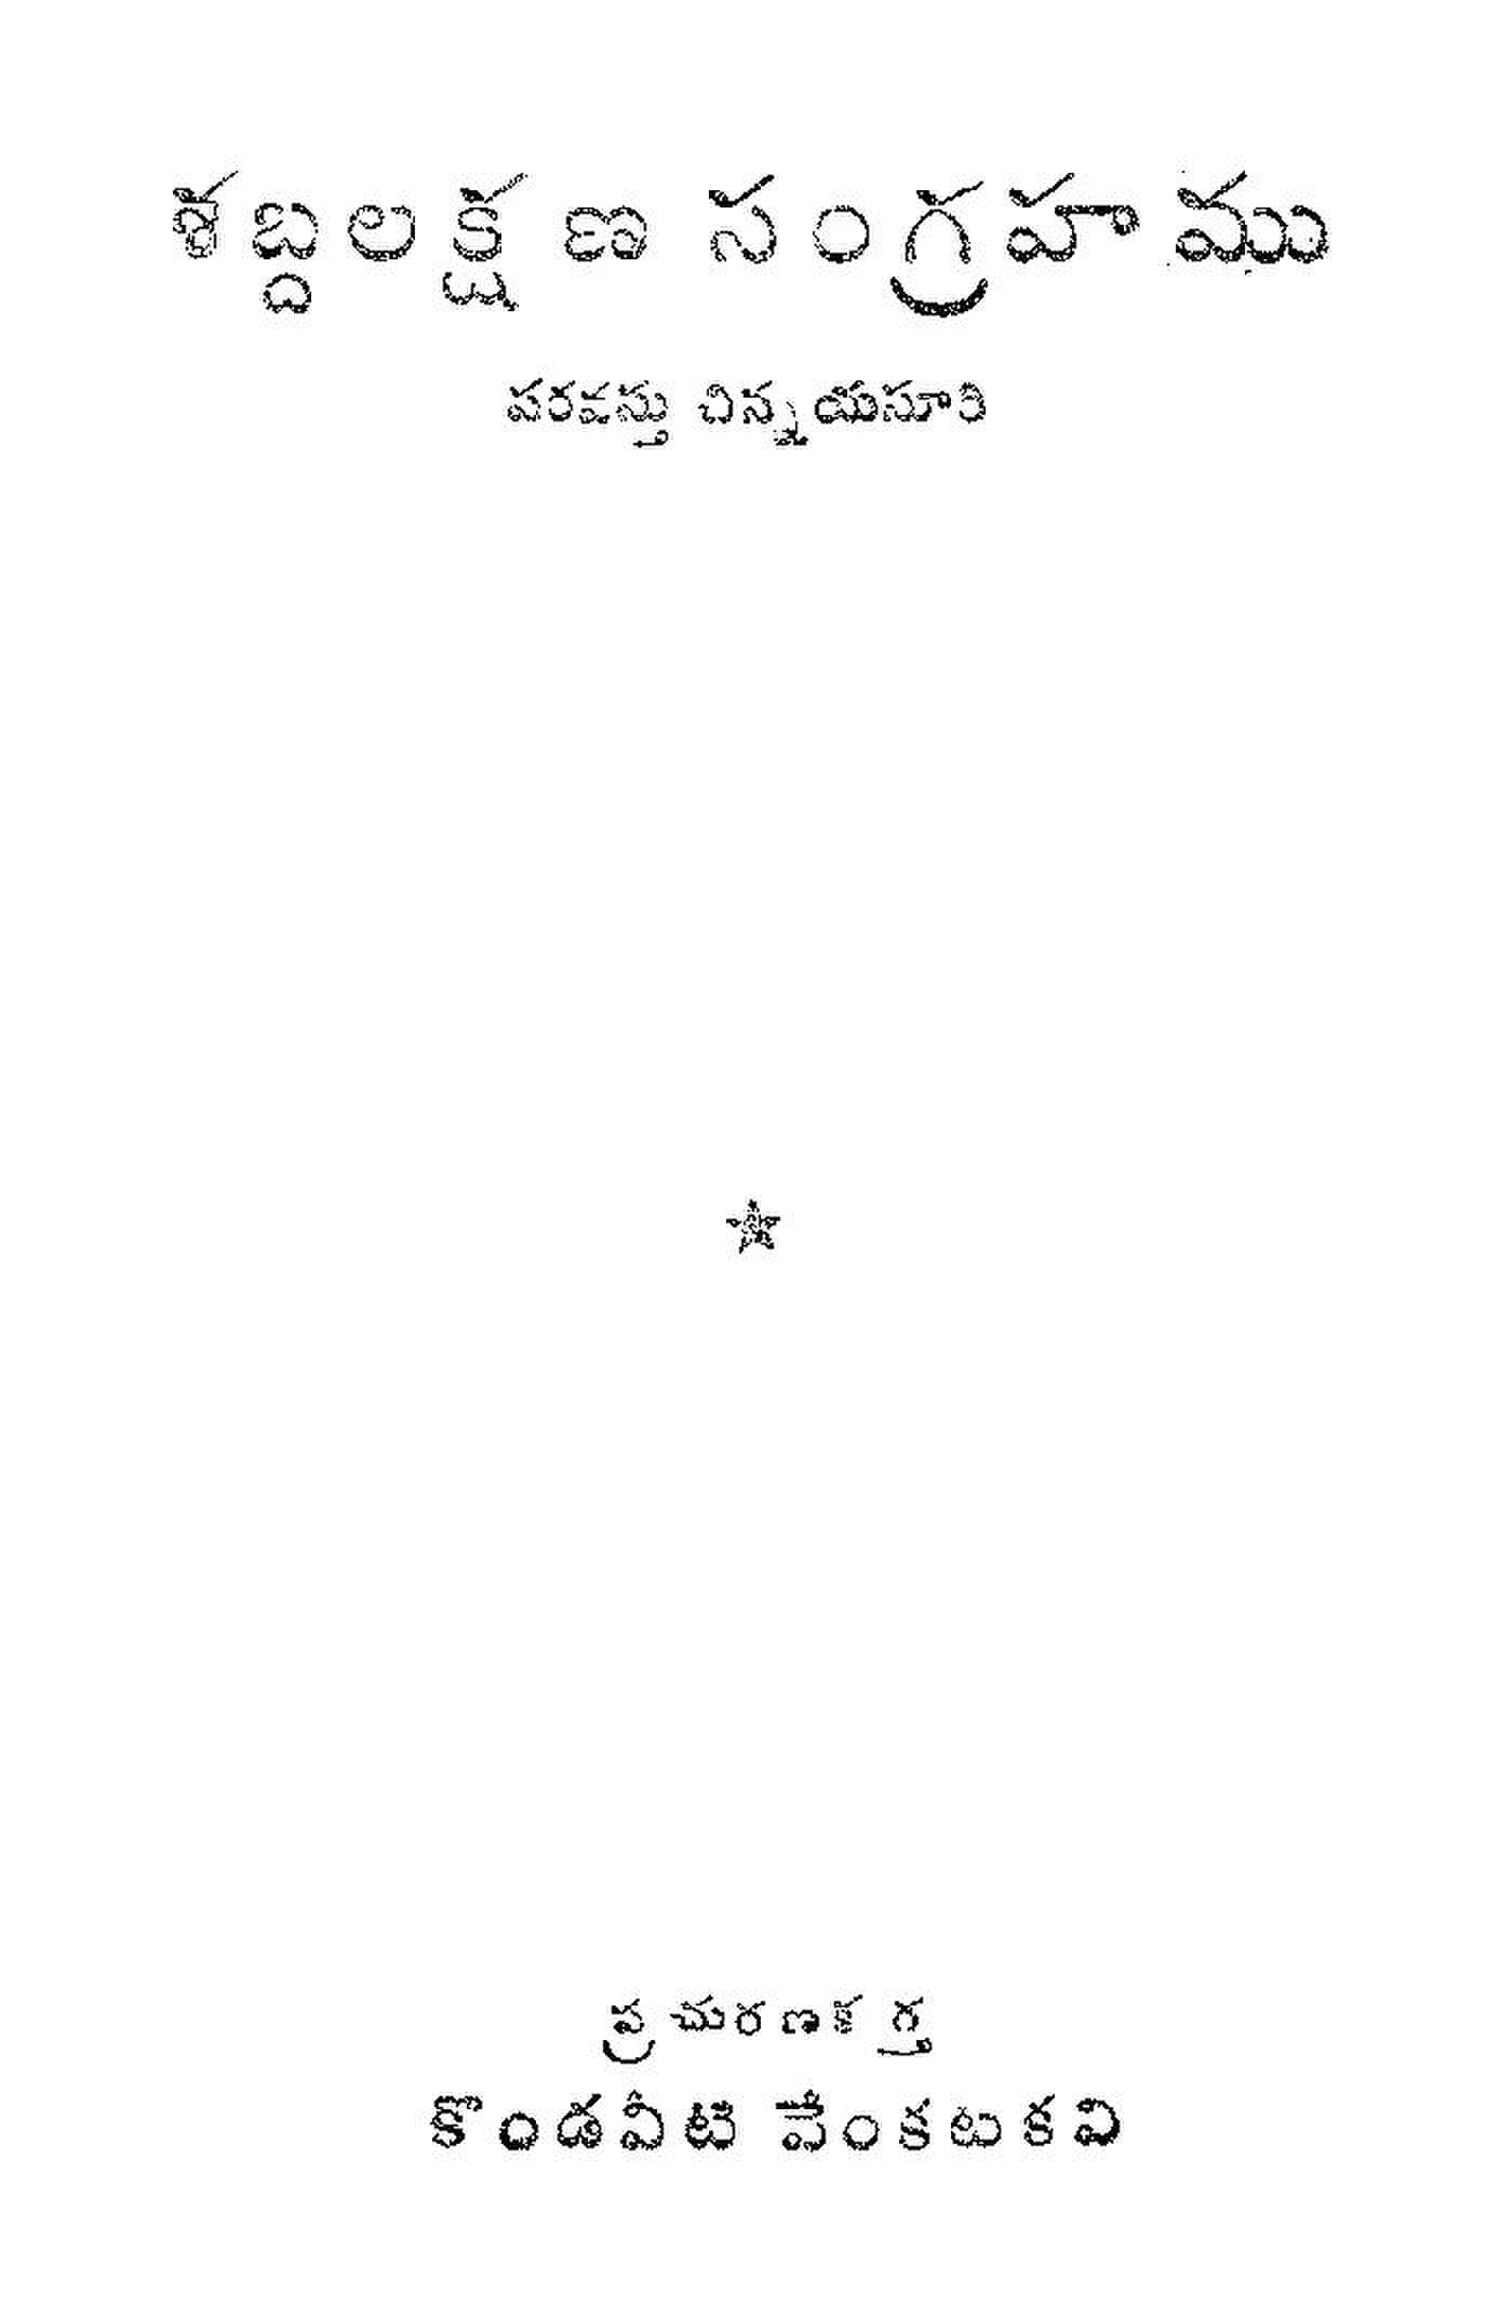శబ్దలక్షణ సంగ్రహము
పరవస్తు చిన్నయసూరి

ప్రచురణకర్త
కొండవీటి వేంకటకవి